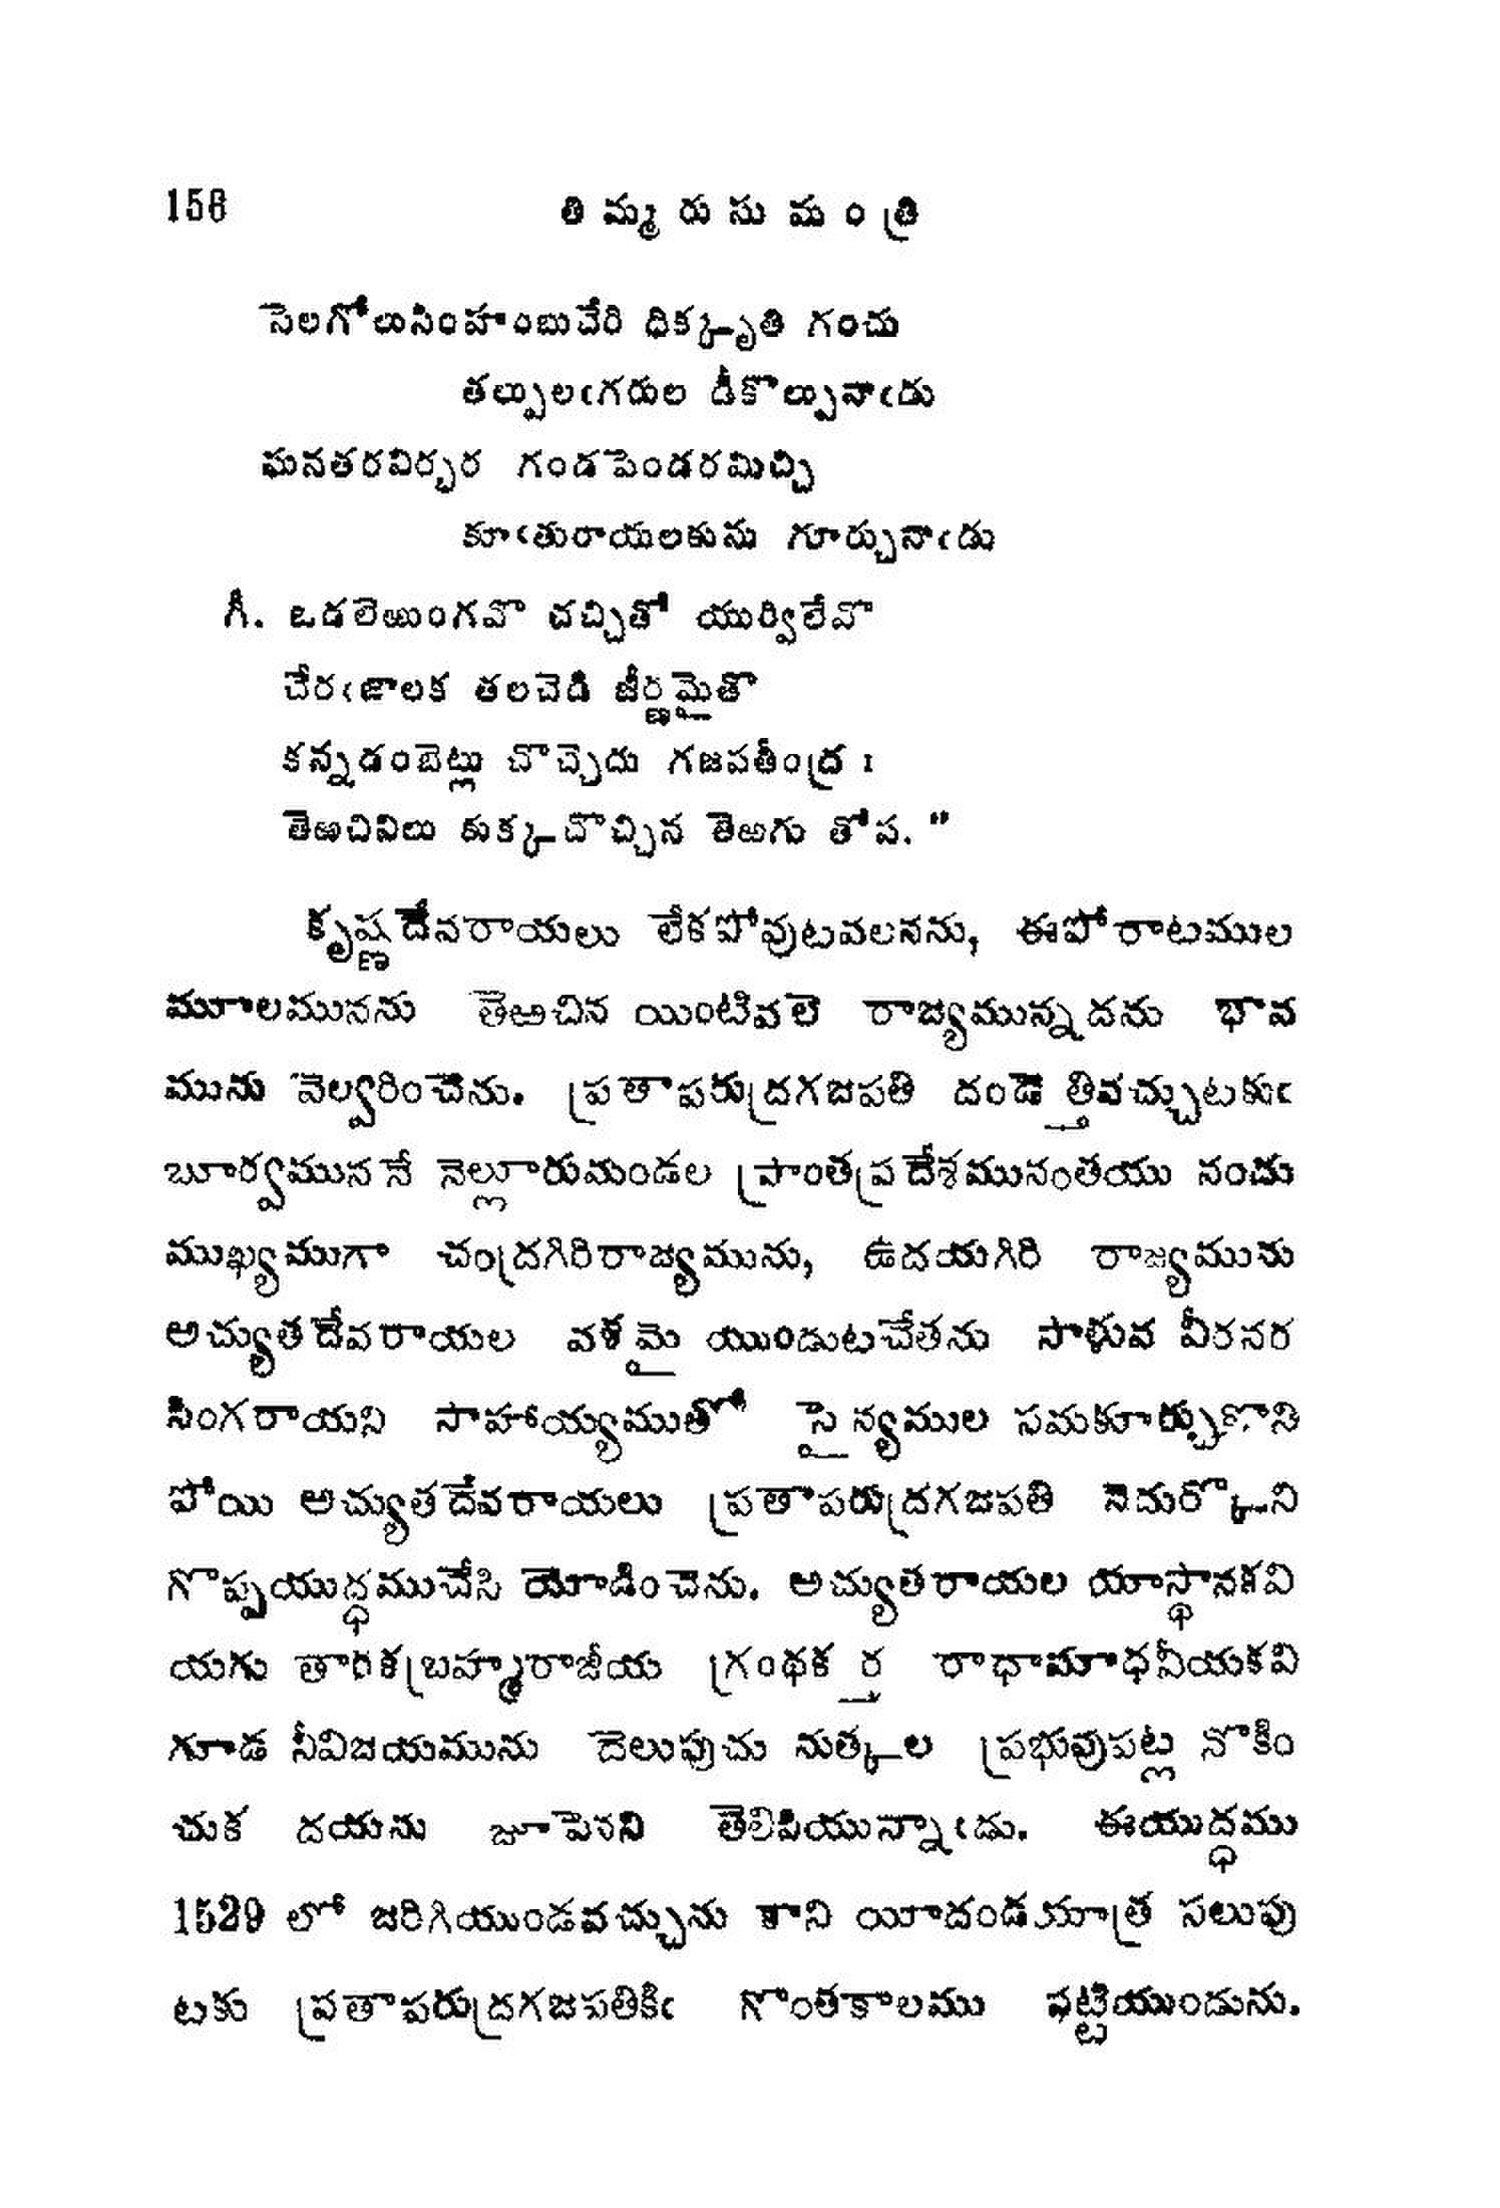సెలగోలుసింహంబుచేరి ధిక్కృతి గంచు
 తల్పులఁగరుల డీకొల్పునాఁడు 
 ఘనతరవిర్భర గండపెండరమిచ్చి
 కూఁతురాయలకును గూర్చునాఁడు 

గీ. ఒడలెఱుంగవొ చచ్చితో యుర్విలేవొ
 చేరఁజాలక తలచెడి జీర్ణమైతొ 
 కన్నడంబెట్లు చొచ్చెదు గజపతీంద్ర! 
 తెఱుచినిలు కుక్కచొచ్చిన తెఱగు తోప. "
కృష్ణదేవరాయలు లేకపోవుటవలనను, ఈపోరాటముల మూలమునను తెఱచిన యింటివలె రాజ్యమున్నదను భావమును వెల్వరించెను. ప్రతాపరుద్రగజపతి దండెత్తివచ్చుటకుఁ బూర్వముననే నెల్లూరుమండల ప్రాంతప్రదేశమునంతయు నందు ముఖ్యముగా చంద్రగిరిరాజ్యమును, ఉదయగిరి రాజ్యమును అచ్యుతదేవరాయల వశమై యుండుటచేతను సాళువ వీరనరసింగరాయని సాహాయ్యముతో సైన్యముల సమకూర్చుకొని పోయి అచ్యుతదేవరాయలు ప్రతాపరుద్రగజపతి నెదుర్కొని గొప్పయుధ్ధముచేసి యోడించెను. అచ్యుతరాయల యాస్థానకవి యగు తారకబ్రహ్మరాజీయ గ్రంథకర్త రాధామాధవీయకవి గూడ నీవిజయమును దెలుపుచు నుత్కల ప్రభువుపట్ల నొకించుక దయను జూపెనని తెలిపియున్నాఁడు. ఈయుద్ధము 1529 లో జరిగియుండవచ్చును గాని యీదండయాత్ర సలుపుటకు ప్రతాపరుద్రగజపతికిఁ గొంతకాలము పట్టియుండును.